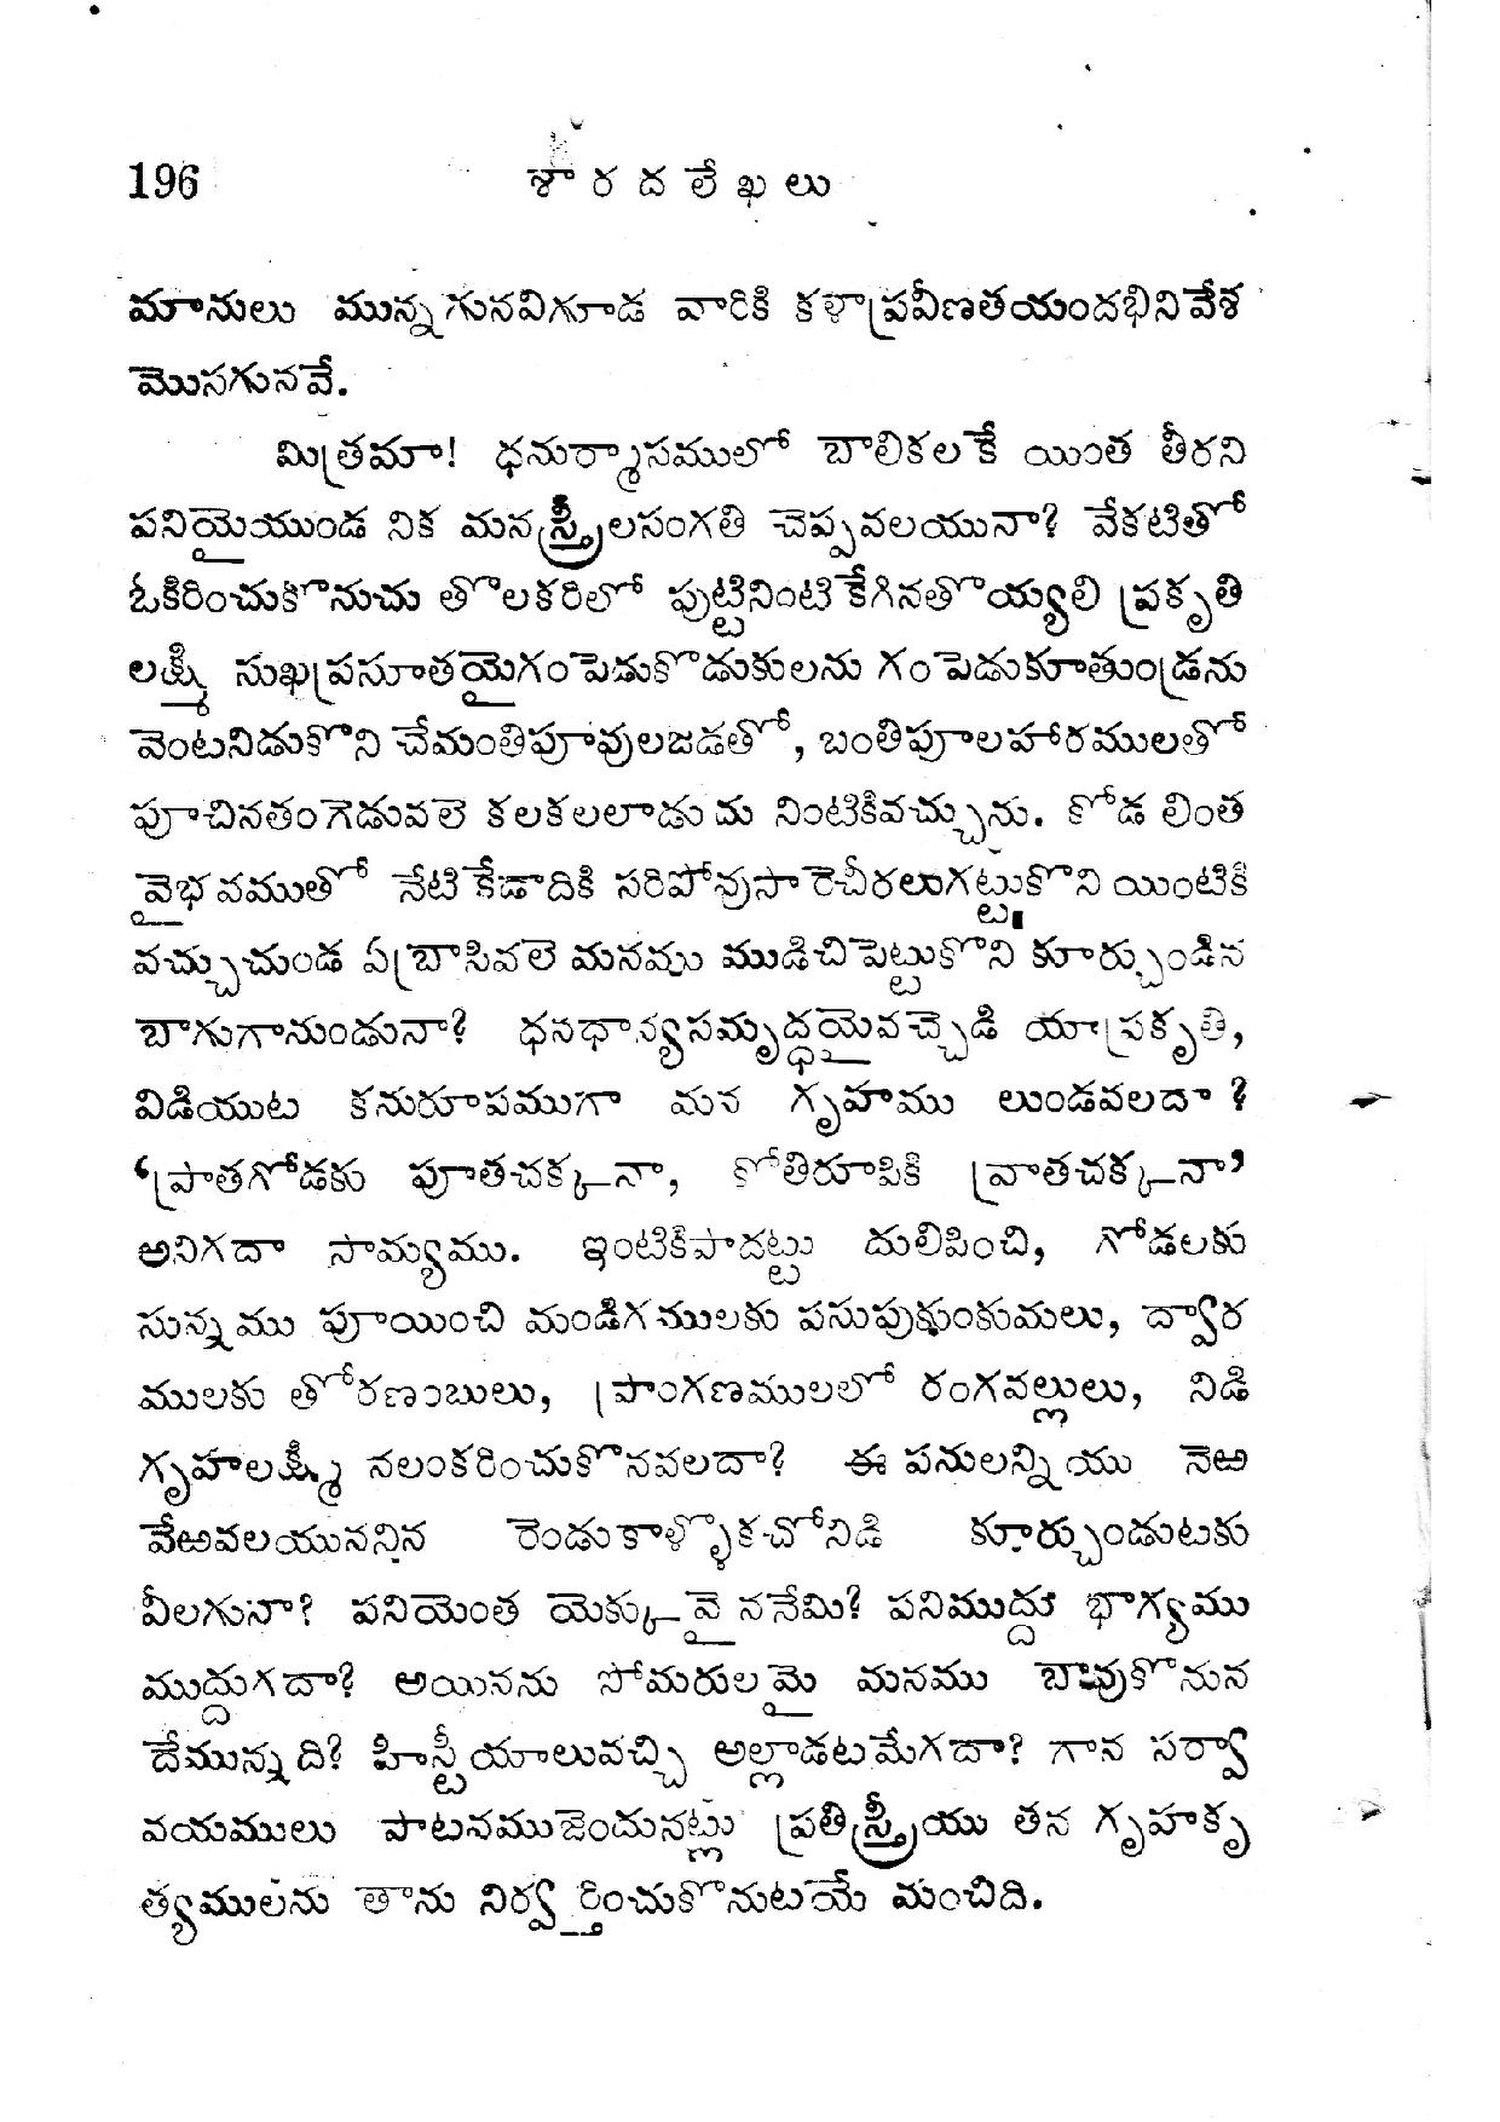మానులు మున్నగునవిగూడ వారికి కళాప్రవీణతయందభినివేశ మొసగునవే.

మిత్రమా! ధనుర్మాసములో బాలికలకే యింత తీరని పనియైయుండ నిక మనస్త్రీలసంగతి చెప్పవలయునా? వేకటితో ఓకిరించుకొనుచు తొలకరిలో పుట్టినింటికేగినతొయ్యలి ప్రకృతి లక్ష్మి సుఖప్రసూతయైగంపెడు కొడుకులను గంపెడుకూతుండ్రను వెంటనిడుకొని చేమంతిపూవులజడతో, బంతిపూలహారములతో
పూచినతంగెడువలె కలకలలాడుచు నింటికివచ్చును. కోడ లింత వైభవముతో నేటికేడాదికి సరిపోవు సారెచీరలుగట్టుకొని యింటికి వచ్చుచుండ ఏబ్రాసివలె మనము ముడిచిపెట్టుకొని కూర్చుండిన
బాగుగానుండునా? ధనధాన్యసమృద్ధయైవచ్చెడి యాప్రకృతి, విడియుట కనురూపముగా మన గృహము లుండవలదా ? 'ప్రాతగోడకు పూతచక్కనా, కోతిరూపికి వ్రాతచక్కనా' అనిగదా సామ్యము. ఇంటికిపాదట్టు దులిపించి, గోడలకు సున్నము పూయించి మండిగములకు పసుపుకుంకుమలు, ద్వారములకు తోరణంబులు, ప్రాంగణములలో రంగవల్లులు, నిడి గృహలక్ష్మి నలంకరించుకొనవలదా? ఈ పనులన్నియు
నెఱవేఱవలయుననిన రెండుకాళ్ళొకచోనిడి కూర్చుండుటకు వీలగునా? పనియెంత యెక్కువైననేమి? పనిముద్దు భాగ్యము ముద్దుగదా? అయినను సోమరులమై మనము బావుకొనునదేమున్నది? హీస్టీయాలువచ్చి అల్లాడటమే గదా? గాన సర్వావయములు పాటనముజెందునట్లు ప్రతిస్త్రీయు తన గృహకృత్యములను తాను నిర్వర్తించుకొనుటయే మంచిది.